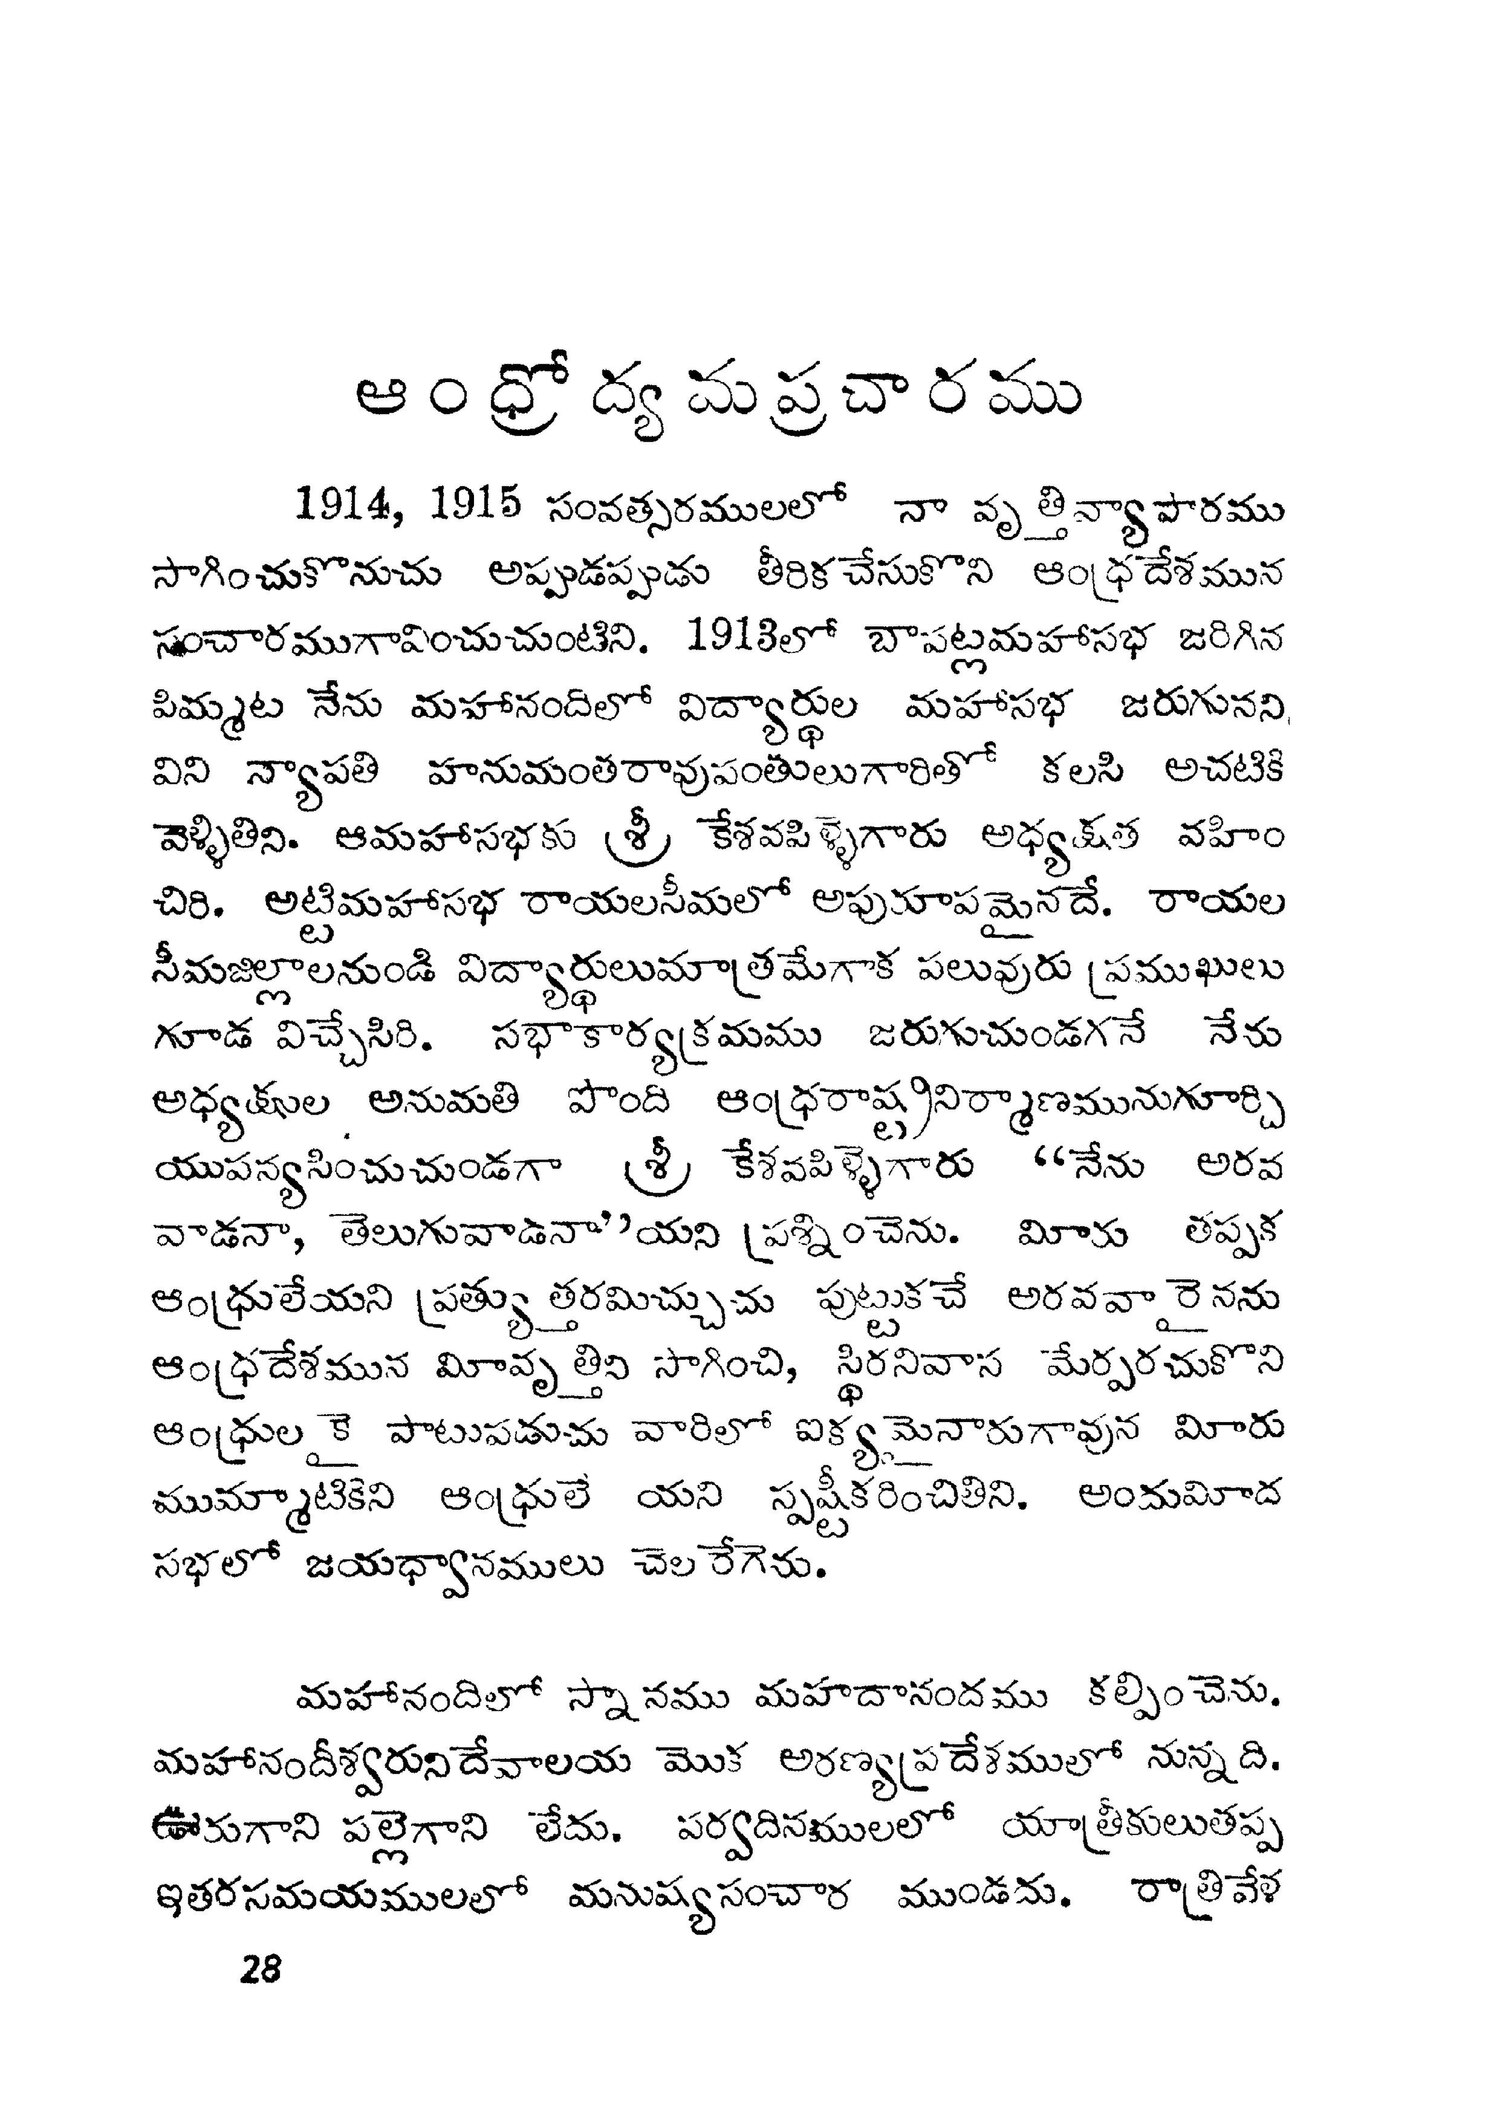1914, 1915 సంవత్సరములలో నా వృత్తివ్యాపారము సాగించుకొనుచు అప్పుడప్పుడు తీరికచేసుకొని ఆంధ్రదేశమున సంచారముగావించుచుంటిని. 1913లో బాపట్లమహాసభ జరిగిన పిమ్మట నేను మహానందిలో విద్యార్థుల మహాసభ జరుగునని విని న్యాపతి హనుమంతురావుపంతులుగారితో కలసి అచటికి వెళ్ళితిని. ఆమహాసభకు శ్రీ కేశవపిళ్ళెగారు అధ్యక్షత వహించిరి. అట్టిమహాసభ రాయలసీమలో అపురూపమైనదే. రాయల సీమజిల్లాలనుండి విద్యార్థులుమాత్రమేగాక పలువురు ప్రముఖులు గూడ విచ్చేసిరి. సభాకార్యక్రమము జరుగుచుండగనే నేను అధ్యక్షుల అనుమతి పొంది ఆంధ్రరాష్ట్ర నిర్మాణమునుగూర్చి యుపన్యసించుచుండగా శ్రీ కేశవపిళ్ళెగారు "నేను అరవ వాడనా, తెలుగువాడనా"యని ప్రశ్నించెను. మీరు తప్పక ఆంధ్రులేయని ప్రత్యుత్తరమిచ్చుచు పుట్టుకచే అరవవారైనను ఆంధ్రదేశమున మీవృత్తిని సాగించి, స్థిరనివాస మేర్పరచుకొని ఆంధ్రులకై పాటుపడుచు వారిలో ఐక్యమైనారుగావున మీరు ముమ్మాటికిని ఆంధ్రులే యని స్పష్టీకరించితిని. అందుమీద సభలో జయధ్వానములు చెలరేగెను.

మాహానందిలో స్నాము మహదానందము కల్పించెను. మహానందీశ్వరునిదేవాలయ మొక అరణ్యప్రదేశములో నున్నది. ఊరుగాని పల్లెగాని లేదు. పర్వదినములలో యాత్రికులుతప్ప ఇతరసమయములలో మనుష్యసంచార ముండదు. రాత్రివేళ